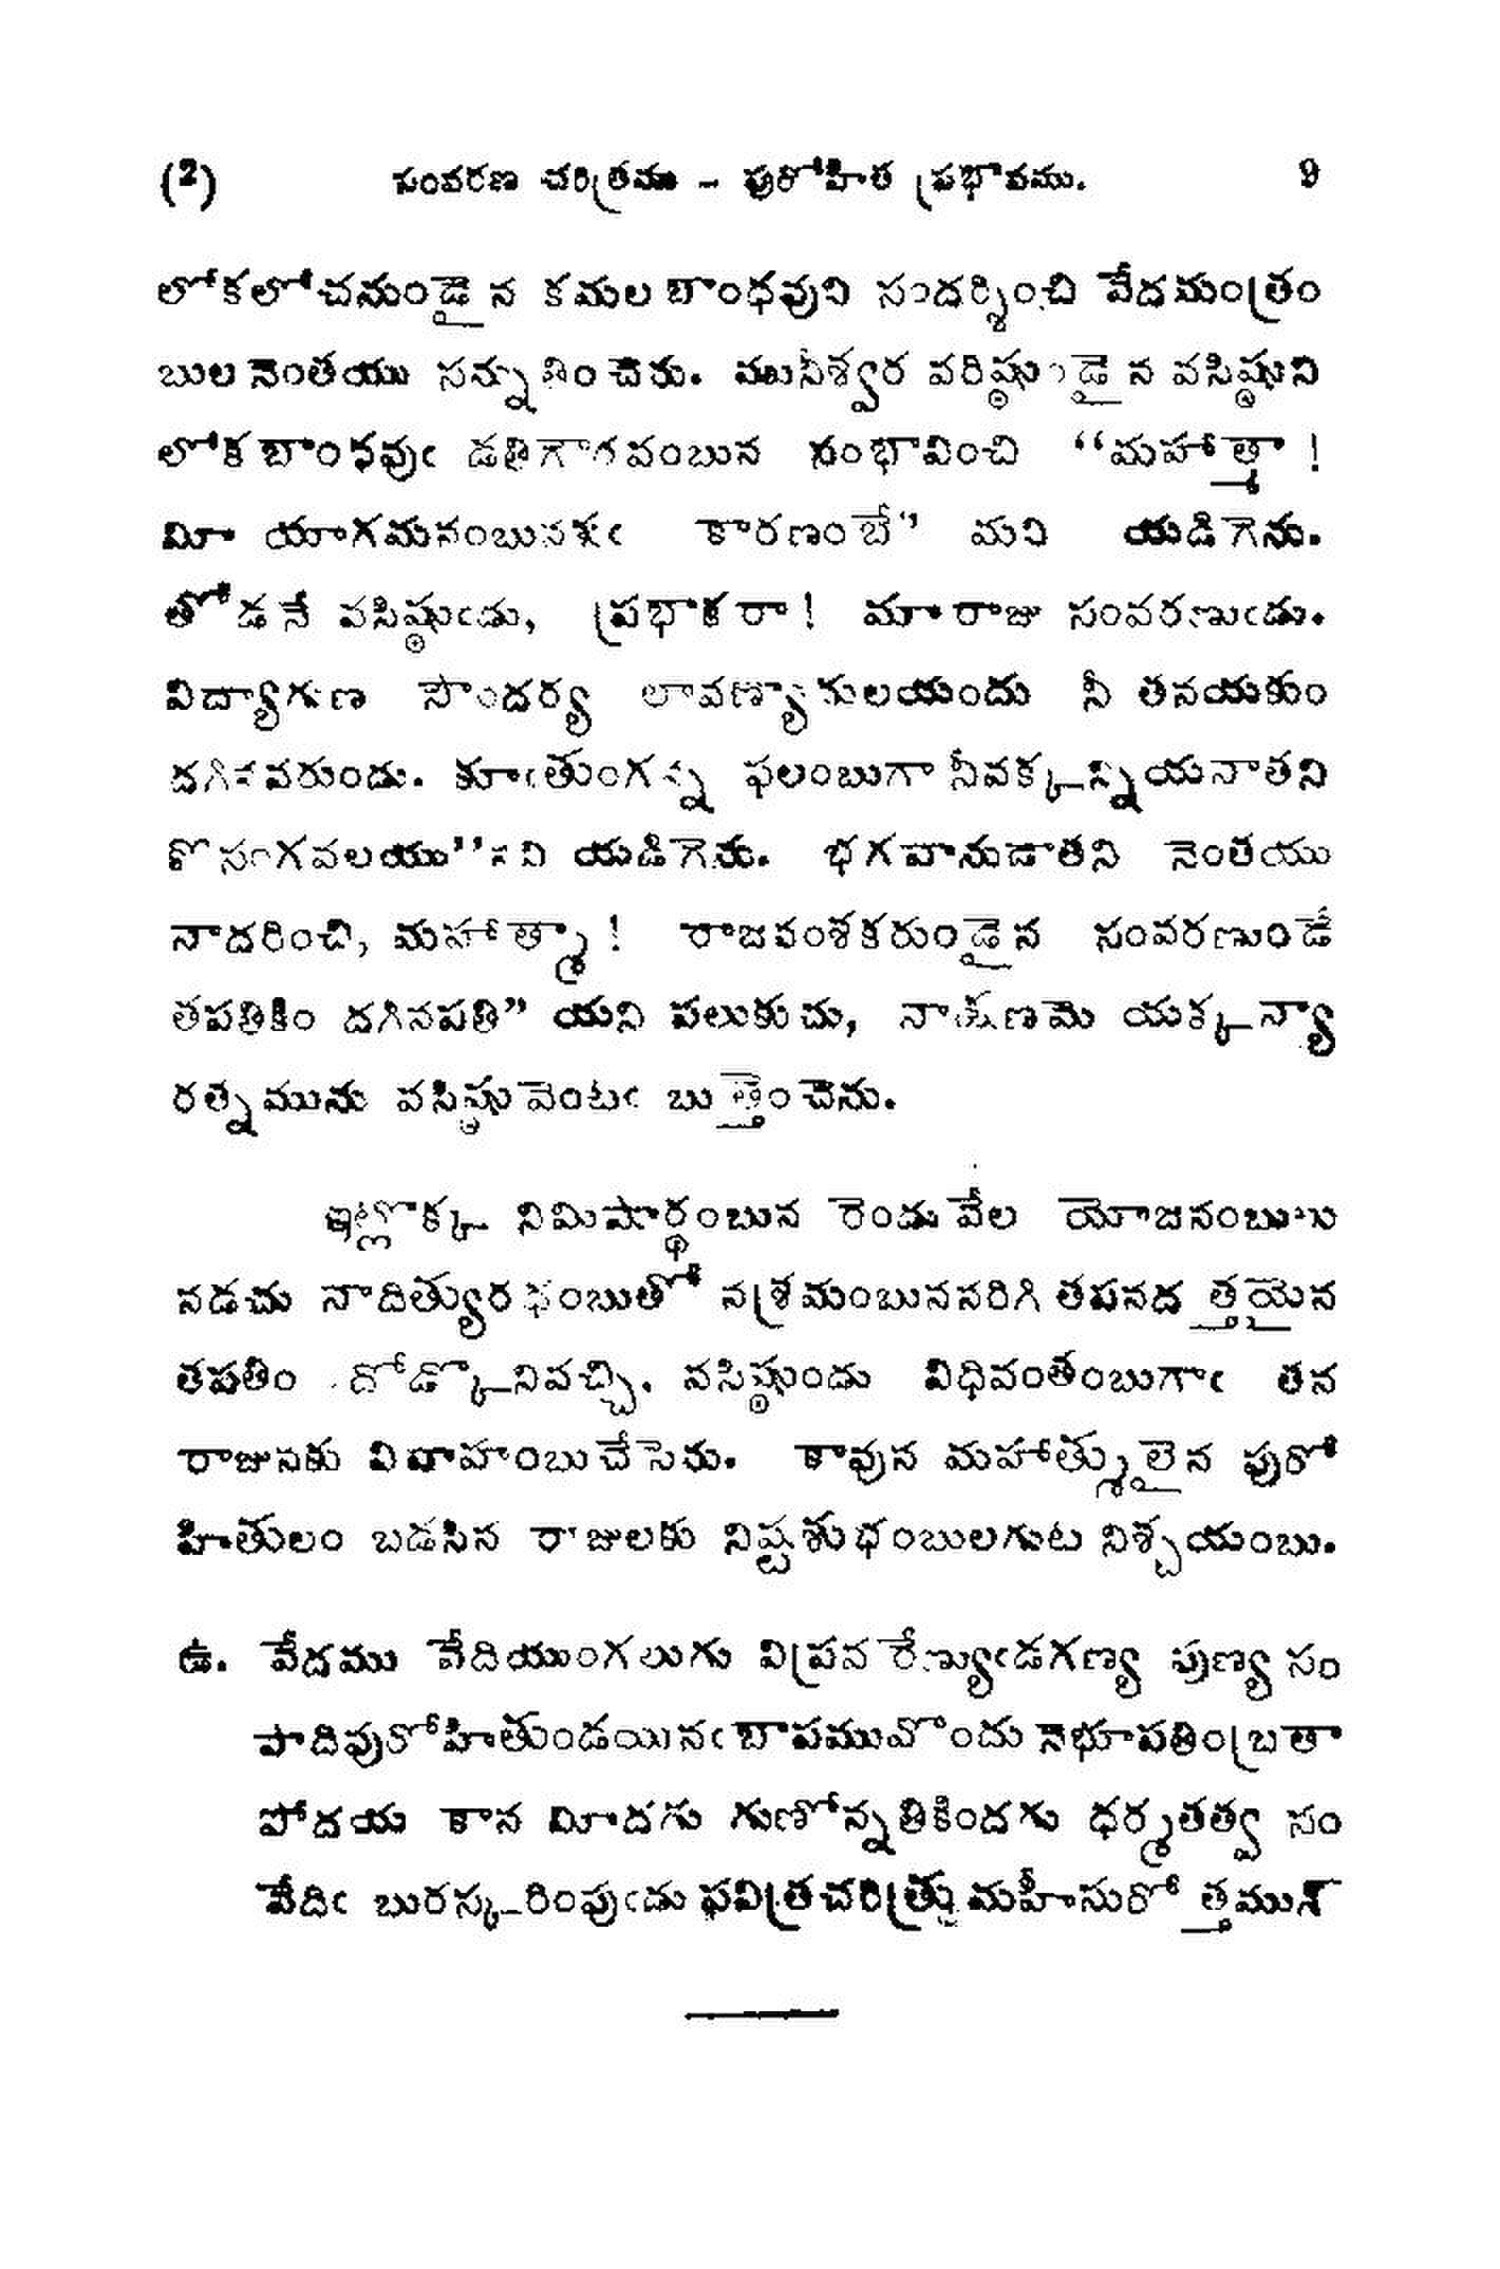లోకలోచనుండైన కమల బాంధవుని సందర్శించి వేదమంత్రంబులనెంతయు సన్నుతించెను. మునీశ్వర వరిష్ఠుండై న వసిష్ఠుని లోకబాంధవుఁ డతిగౌరవంబున సంభావించి “మహాత్మా ! మీ యాగమనంబునకుం కారణంబే" మని యడిగెను. తోడనే వసిష్ఠుఁడు, ప్రభాకరా! మా రాజు సంవరణుఁడు. విద్యాగుణ సౌందర్య లావణ్యాదులయందు నీ తనయకుం దగిన వరుండు. కూఁతుంగన్న ఫలంబుగా నీవక్కన్నియనాతని కొసంగవలయు " నని యడిగెను. భగవానుడాతని నెంతయు నాదరించి, మహాత్మా ! రాజవంశకరుండైన సంవరణుండే తపతికిం దగినపతి" యని పలుకుచు, నాక్షణమె యక్కన్యా రత్నమును వసిష్ఠువెంటఁ బుత్తెంచెను.

ఇట్లొక్క నిమిషార్ధంబున రెండువేల యోజనంబులు నడచు నాదిత్యురధంబుతో నశ్రమంబుననరిగి తపనదత్తయైన తపతిం దోడ్కొనివచ్చి, వసిష్ఠుండు విధివంతంబుగాఁ తన రాజునకు వివాహంబు చేసెను. కావున మహాత్ములైన పురోహితులం బడసిన రాజులకు నిష్టశుభంబులగుట నిశ్చయంబు. 

ఉ. వేదము వేదియుంగలుగు విప్రనరేణ్యుఁడగణ్య పుణ్య సం
 పాదివురోహితుండయినఁ బాపమువొందునెభూపతింబ్రతా 
 పోదయ కాన మీదగు గుణోన్నతికిందగు ధర్మతత్వ సం 
 వేదిఁ బురస్కరింపుఁడు ఫవిత్రచరిత్రు మహీసురోత్తమున్

____________